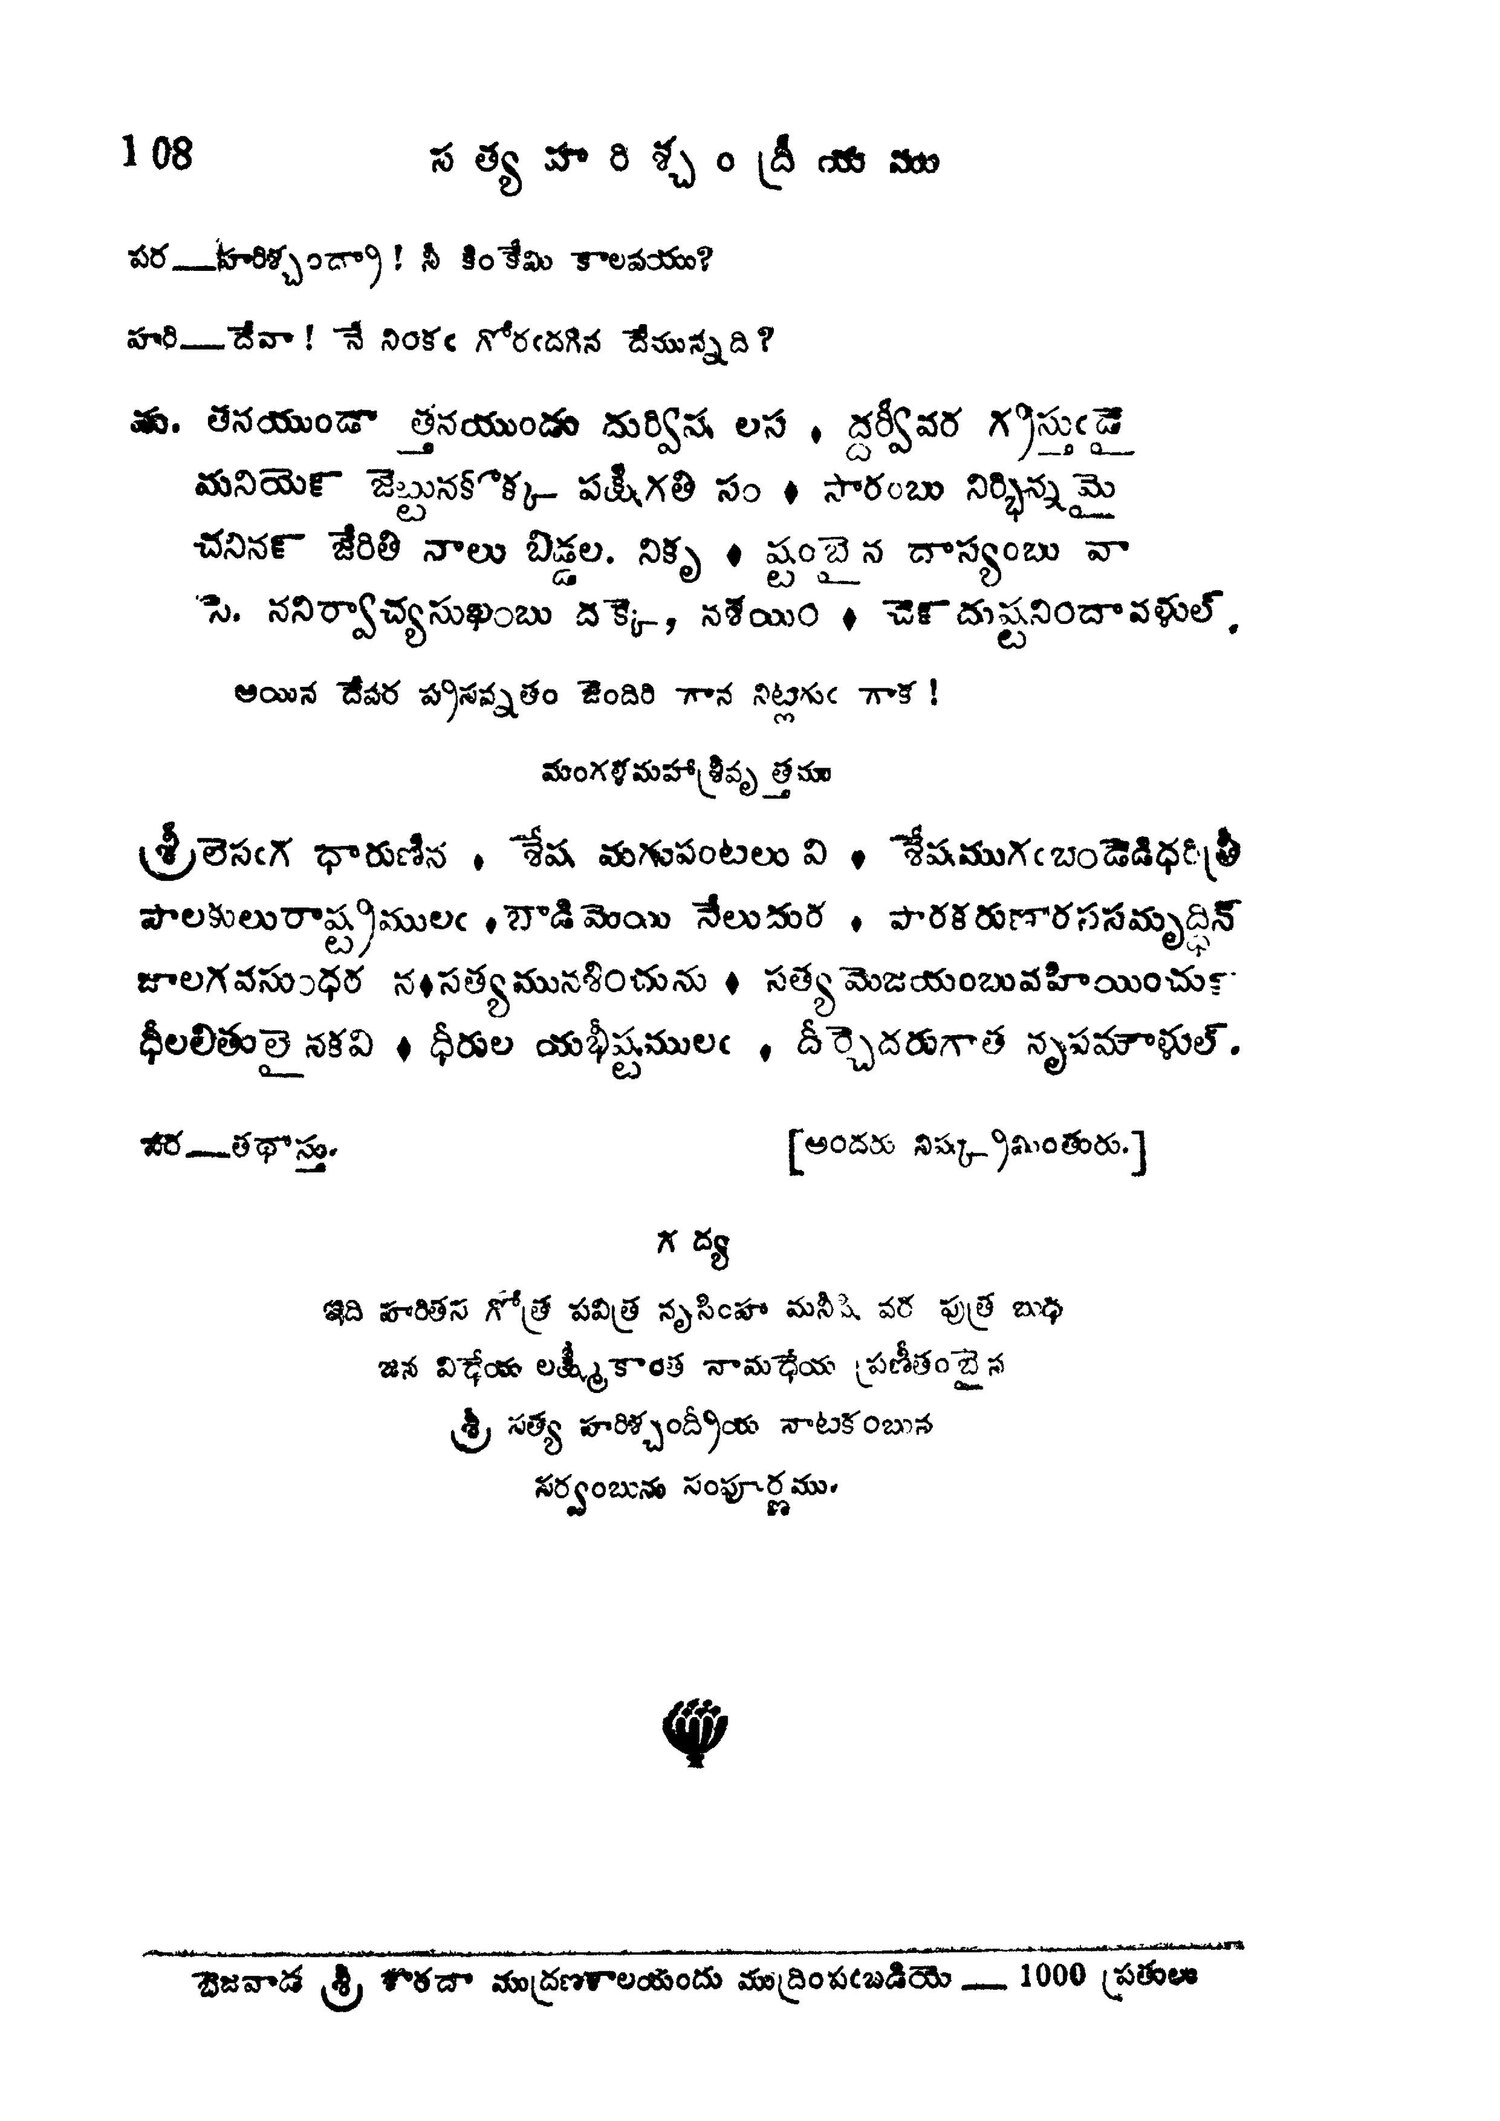పర - 	హరిశ్చంద్రా! నీ కింకేమి కావలయును?

హరి - 	దేవా! నేనింక గోరందగిన దేమున్నది?

మ. తనయుండా త్తనయుండు దుర్విష లసద్దర్వీకరగ్రస్తుడై
మనియెన్‌! జెట్టున కొక్క పక్షిగతి సంసారంబు నిర్భిన్నమై
చనినన్‌ జేరితి నాలు బిడ్డల! నికృష్టంబైన దాస్యంబు వా
సె ననిర్వాచ్యఫలంబు దక్కె? నశియించెన్‌ దుష్టనిందావళుల్‌.

అయినను దేవర ప్రసన్నతఁ జెందితిరి కాన నిట్లగుగాక.

మంగళమహాశ్రీ వృత్తము. 	

శ్రీ లొసఁగ ధారుణ సశేషమగు పంటలు విశేషముగ బండెడి ధరిత్రీ
పాలకులు రాష్ట్రముల బాడిమెయి నేలుదురపార కరుణారససమృద్ధిన్‌
జాలఁగ వసుంధర నసత్యము నశియించుటను సత్యమె జయంబు వహించుచున్‌ 
ధీలలితులైన కవి ధీరుల యభీష్టములఁ దీర్చెదరుగాక నృపమౌళుల్‌.

పర: 	తథాస్తు.

(అందఱు నిష్క్రమింతురు)

గద్యము. 	

ఇది హరితసగోత్ర పవిత్రనృసింహ మనీషి వరపుత్త్ర బుధ
జనవిధేయ లక్ష్మీకాంత నామధేయ ప్రణీతంబైన 
శ్రీ హరిశ్చంద్రీయ నాటకంబున 
సర్వంబును సంపూర్ణము.